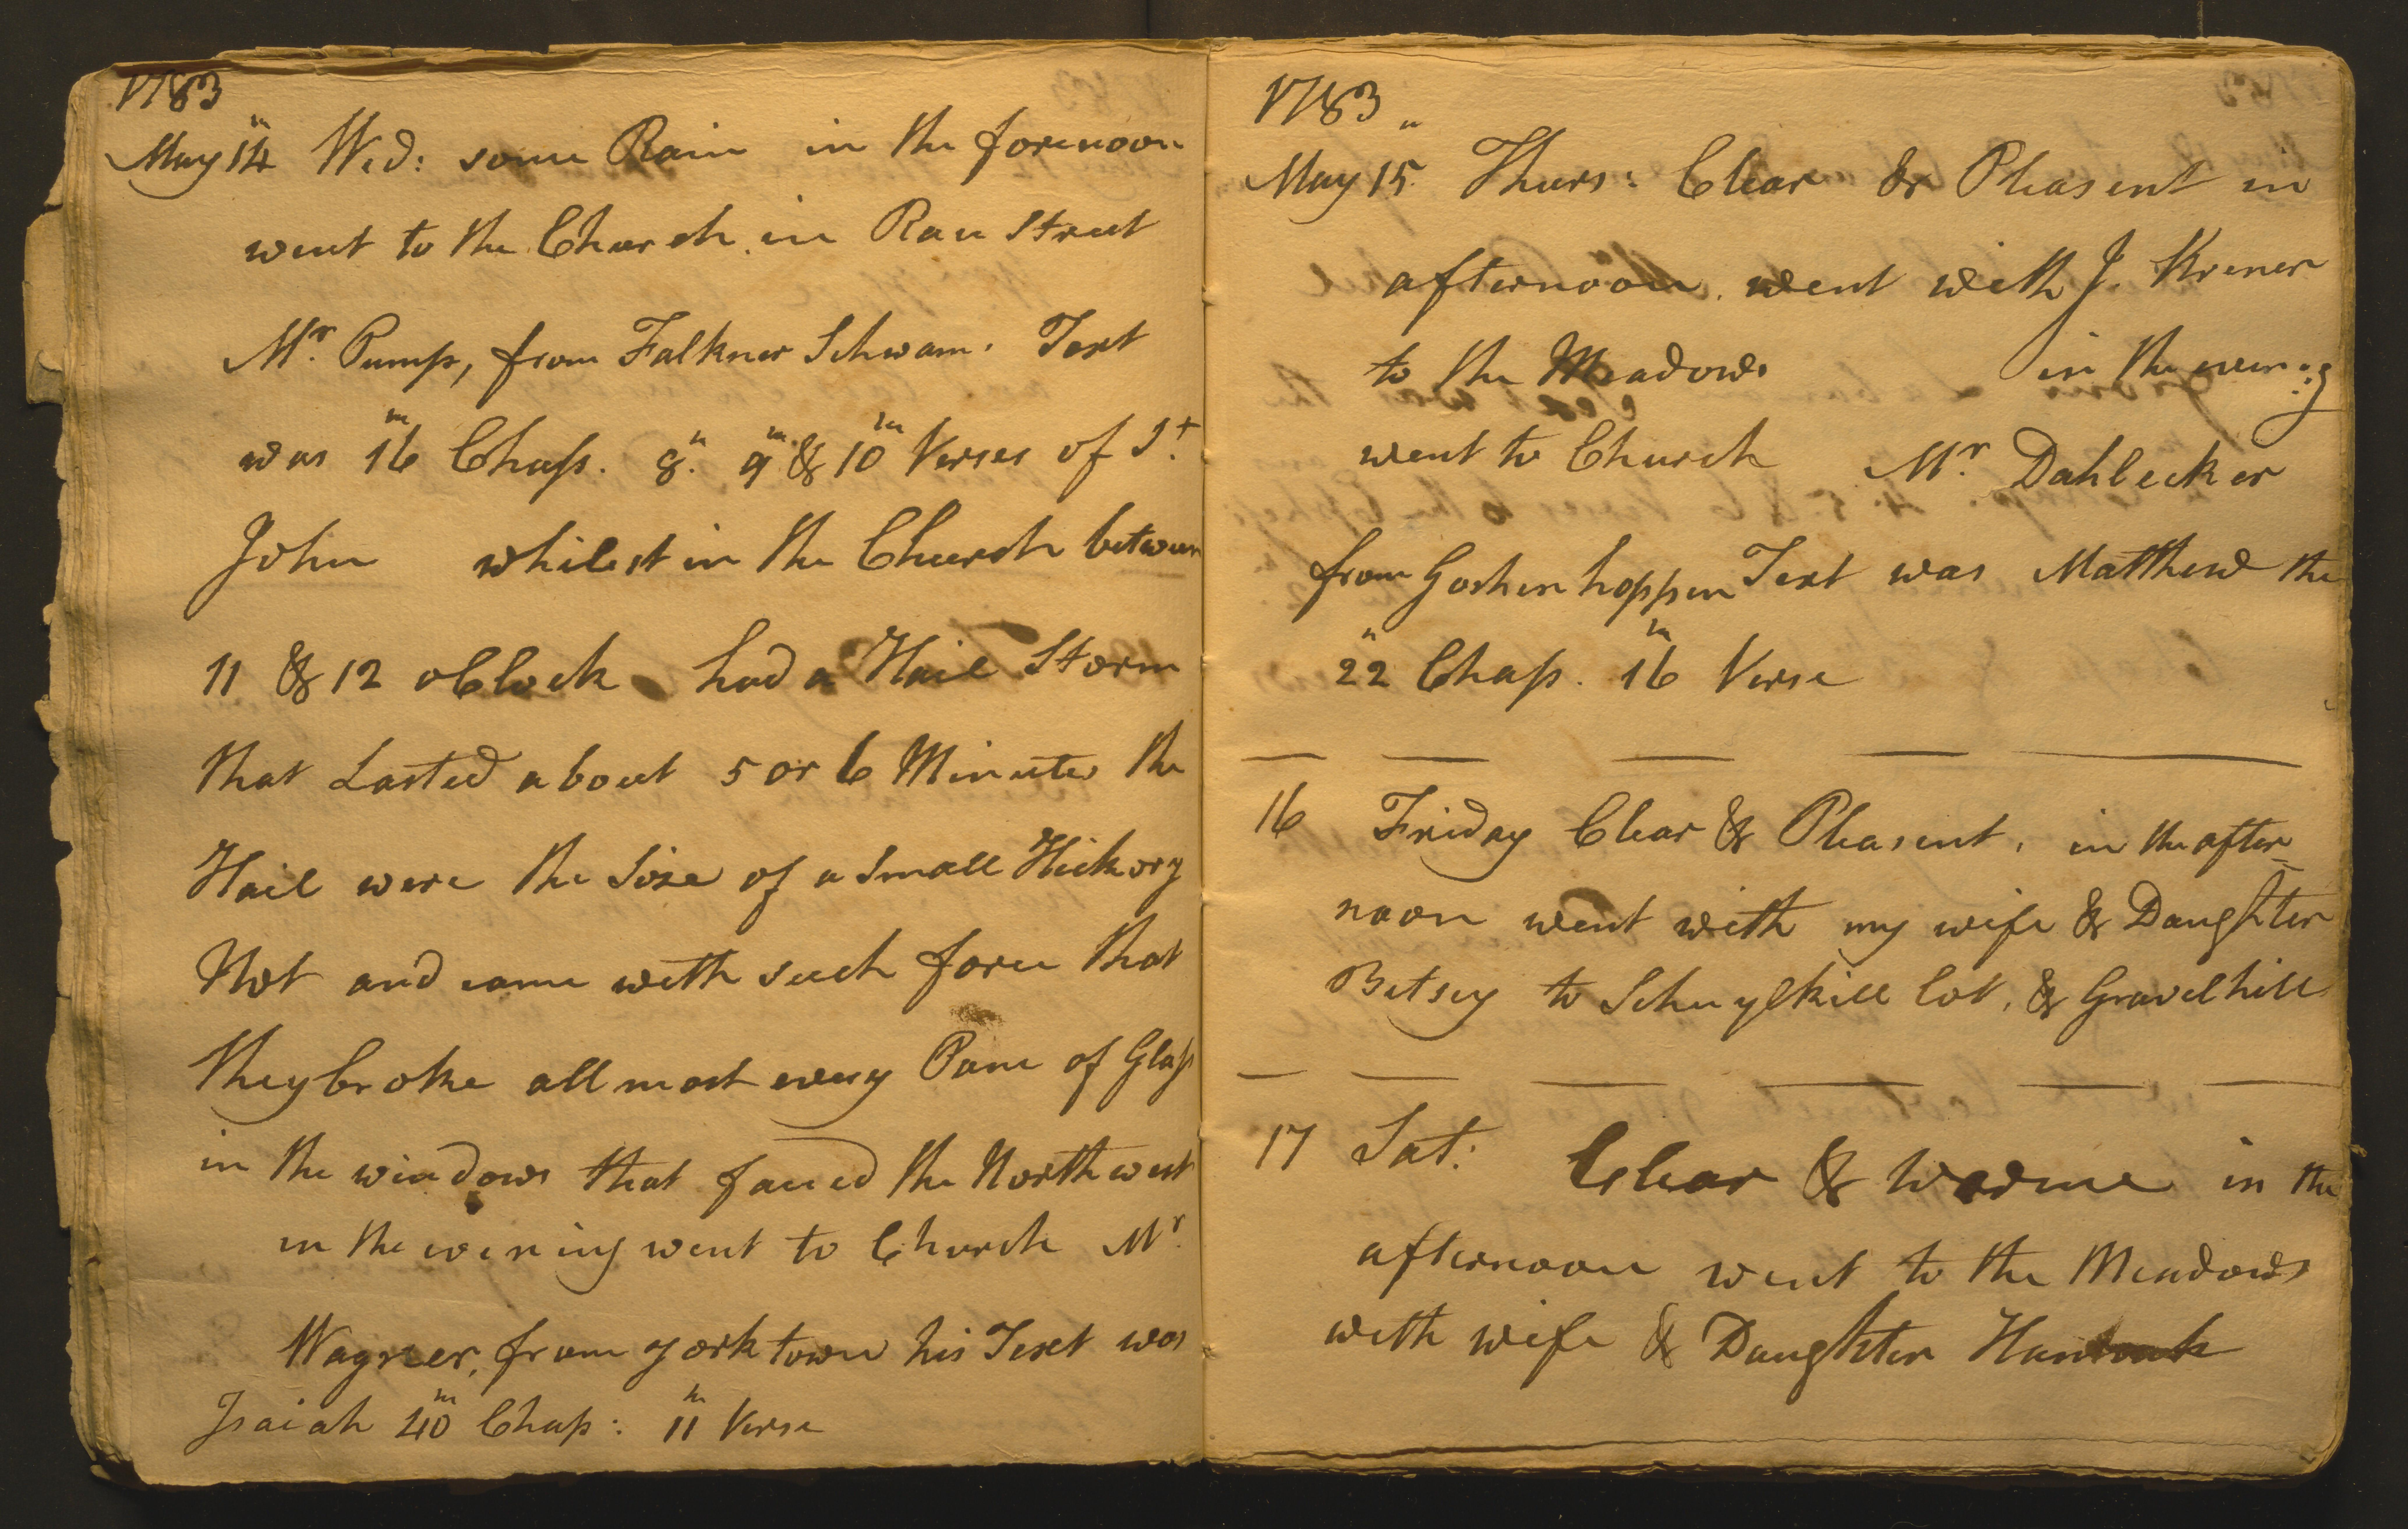1783
May 14^th Wed: some Rain in the forenoon
went to the Church in Race Street
M^r. Pump, from Falkner Schwam. Text
was 16^th Chap. 8^th. 8^th & 10 Verses of S^t.
John whilest in the Church between
11 & 12 oClock had a Hail Storm
that Lasted about 5 or 6 Minutes the
Hail were the Size of a small Hickory
Not and came with such force that
they broke allmost every Pane of Glass
in the windows that faned the Northwest
in the evening went to Church M^r.
Wagner from york town his Text was
Isaiah 40^th Chap: 11^th Verse
1783
May 15^th. Thurs: Clear & Pleasent in
afternoon. went with I. Krener
to the Meadows
in the eveng:
went to Church M^r. Dahlecker
from Goshenhoppen Text was Matthew the
22^h Chap. 16^th Verse
16 Friday Clear & Pleasent, in the after
noon went with my wife & Daughter
Betsey to Schuylkill Col. & Gravelhill
17 Sat: Clear & warme in the
afternoon went to the Mendows
with wife & Daughter Hannah